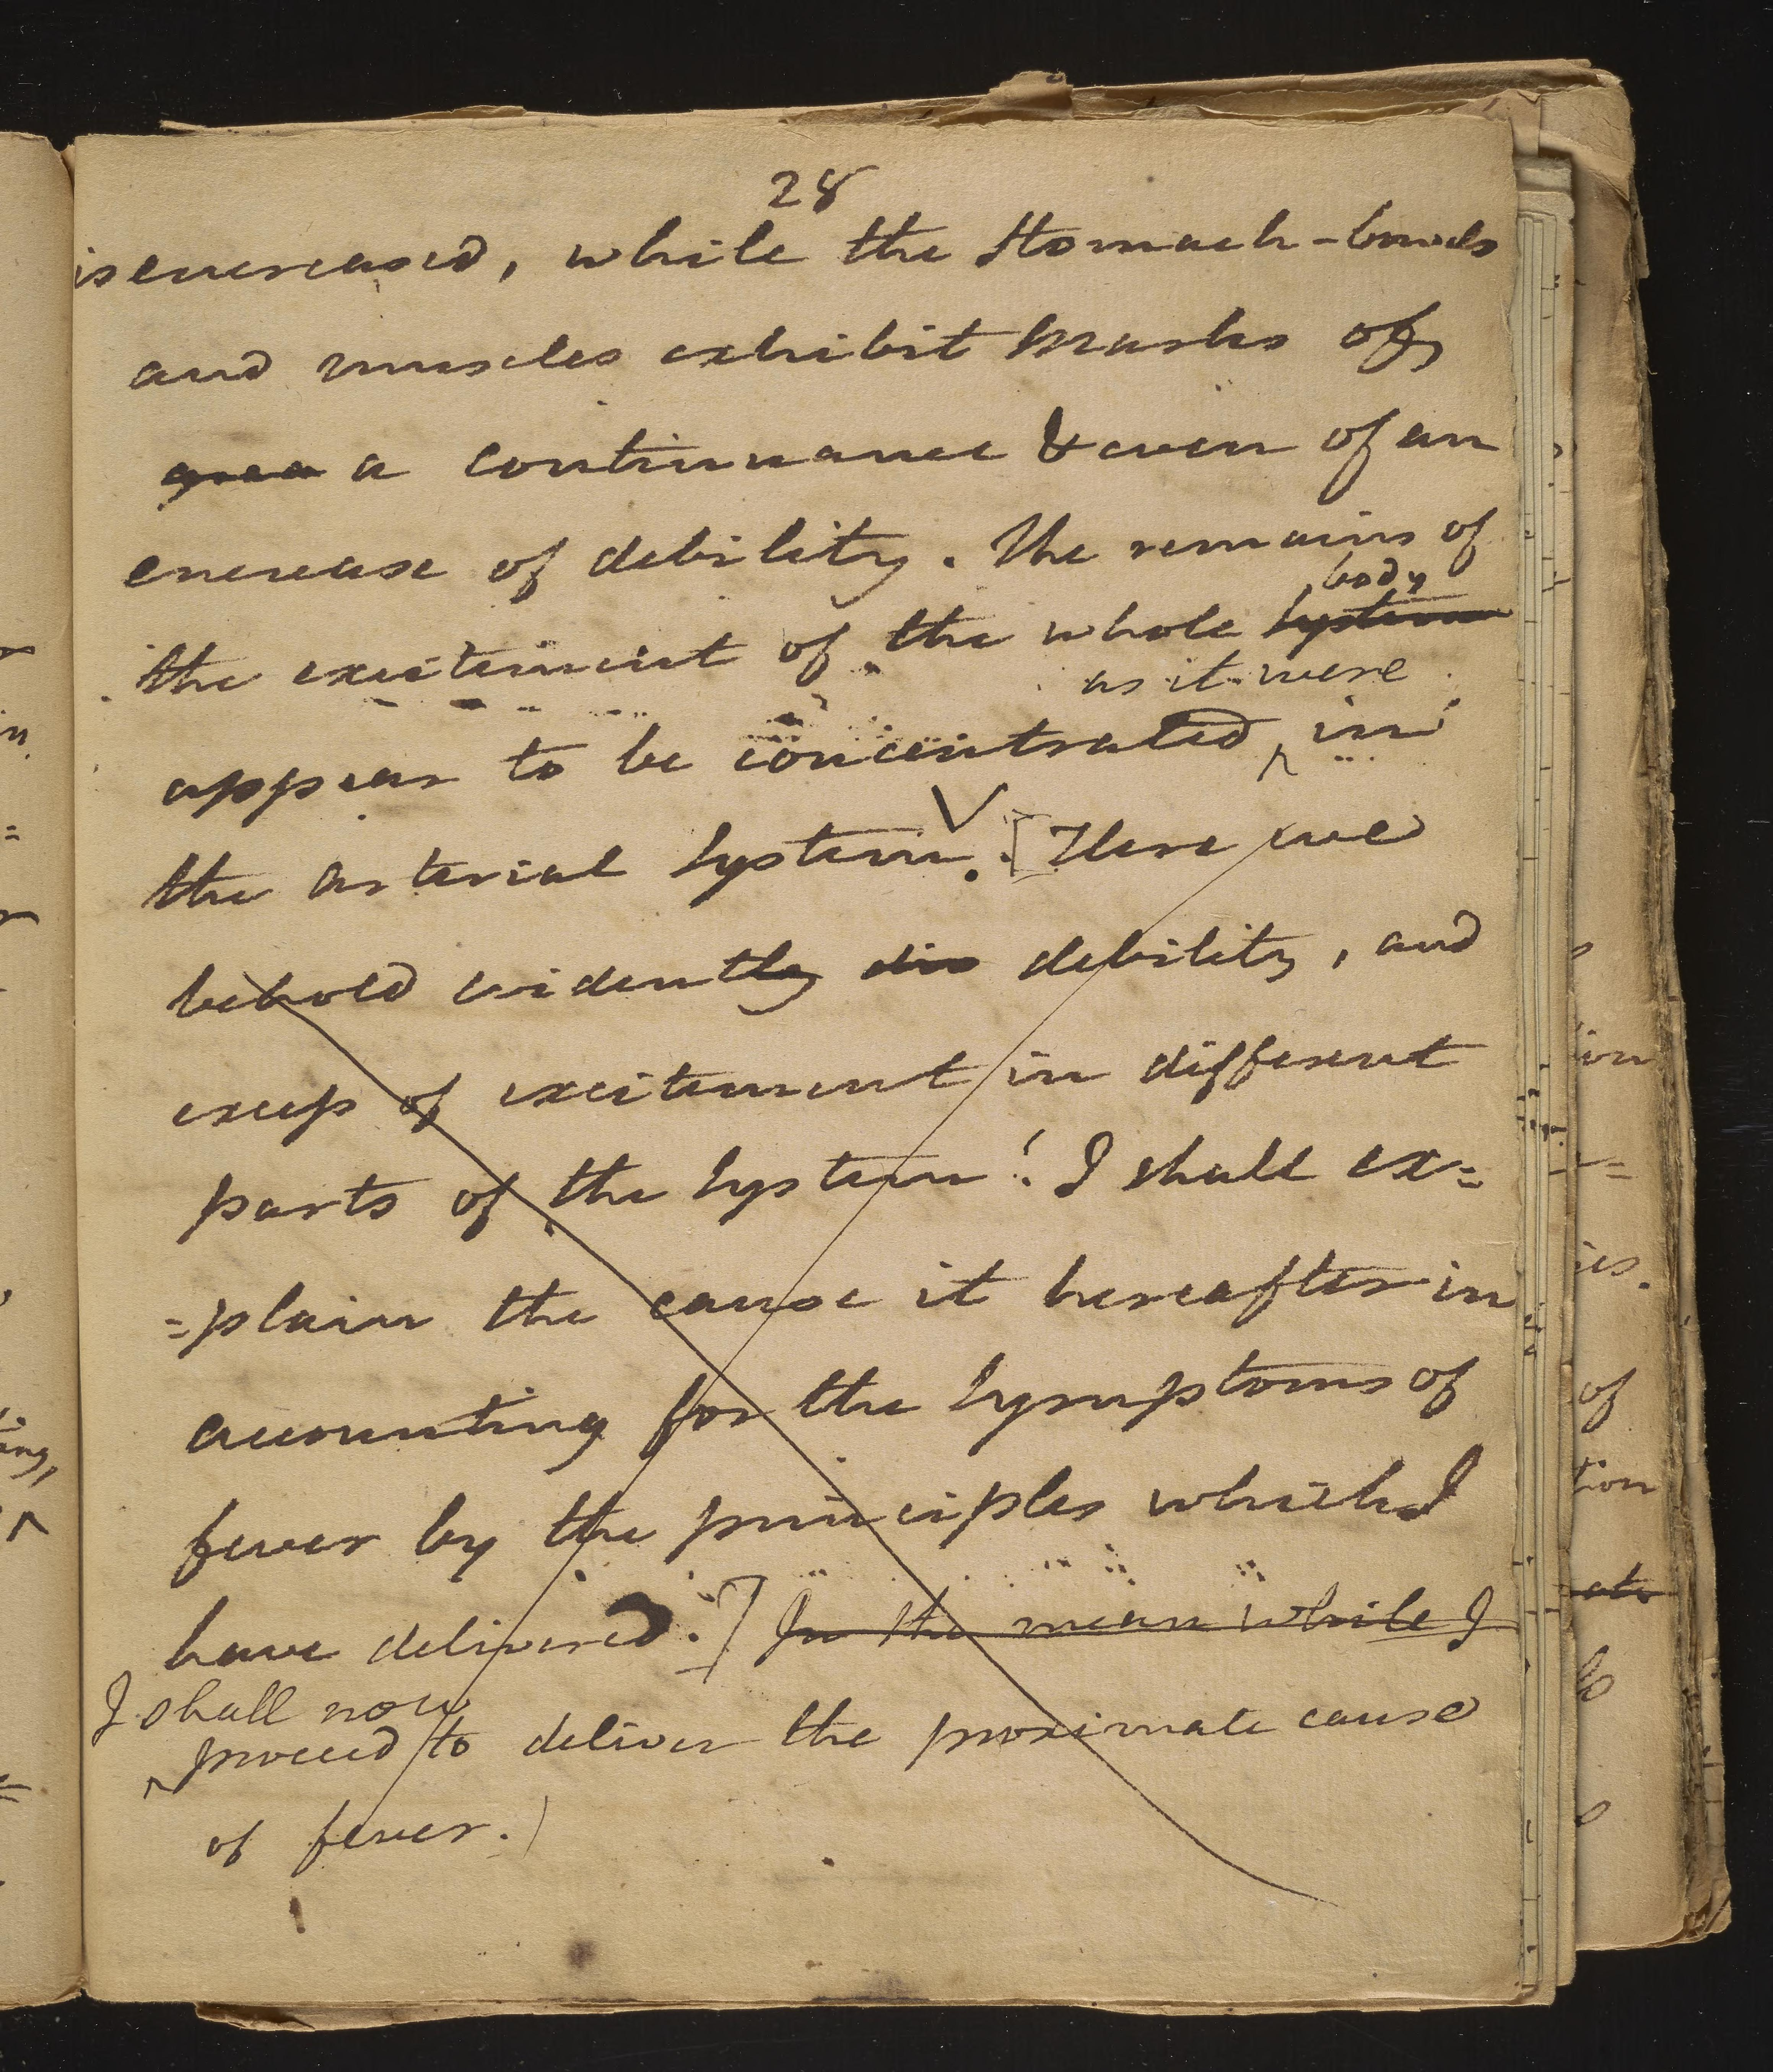28
is encreased, while the stomach- bowels
and muscles exhibit marks of
[___] a continuance & even of an
encrease of debility. The remains of
body
the excitement of the whole [system]
as it were
appear to be concentrated ^ in
the arterial system. (Here we
behold evidently debility, and
excess of excitement in different
parts of the system. I shall ex-
-plain the cause it hereafter in
accounting for the symptoms of
fever by the principle which I
have delivered.) In the meanwhile I
I shall now
proceed to deliver the proximate cause
of fever.